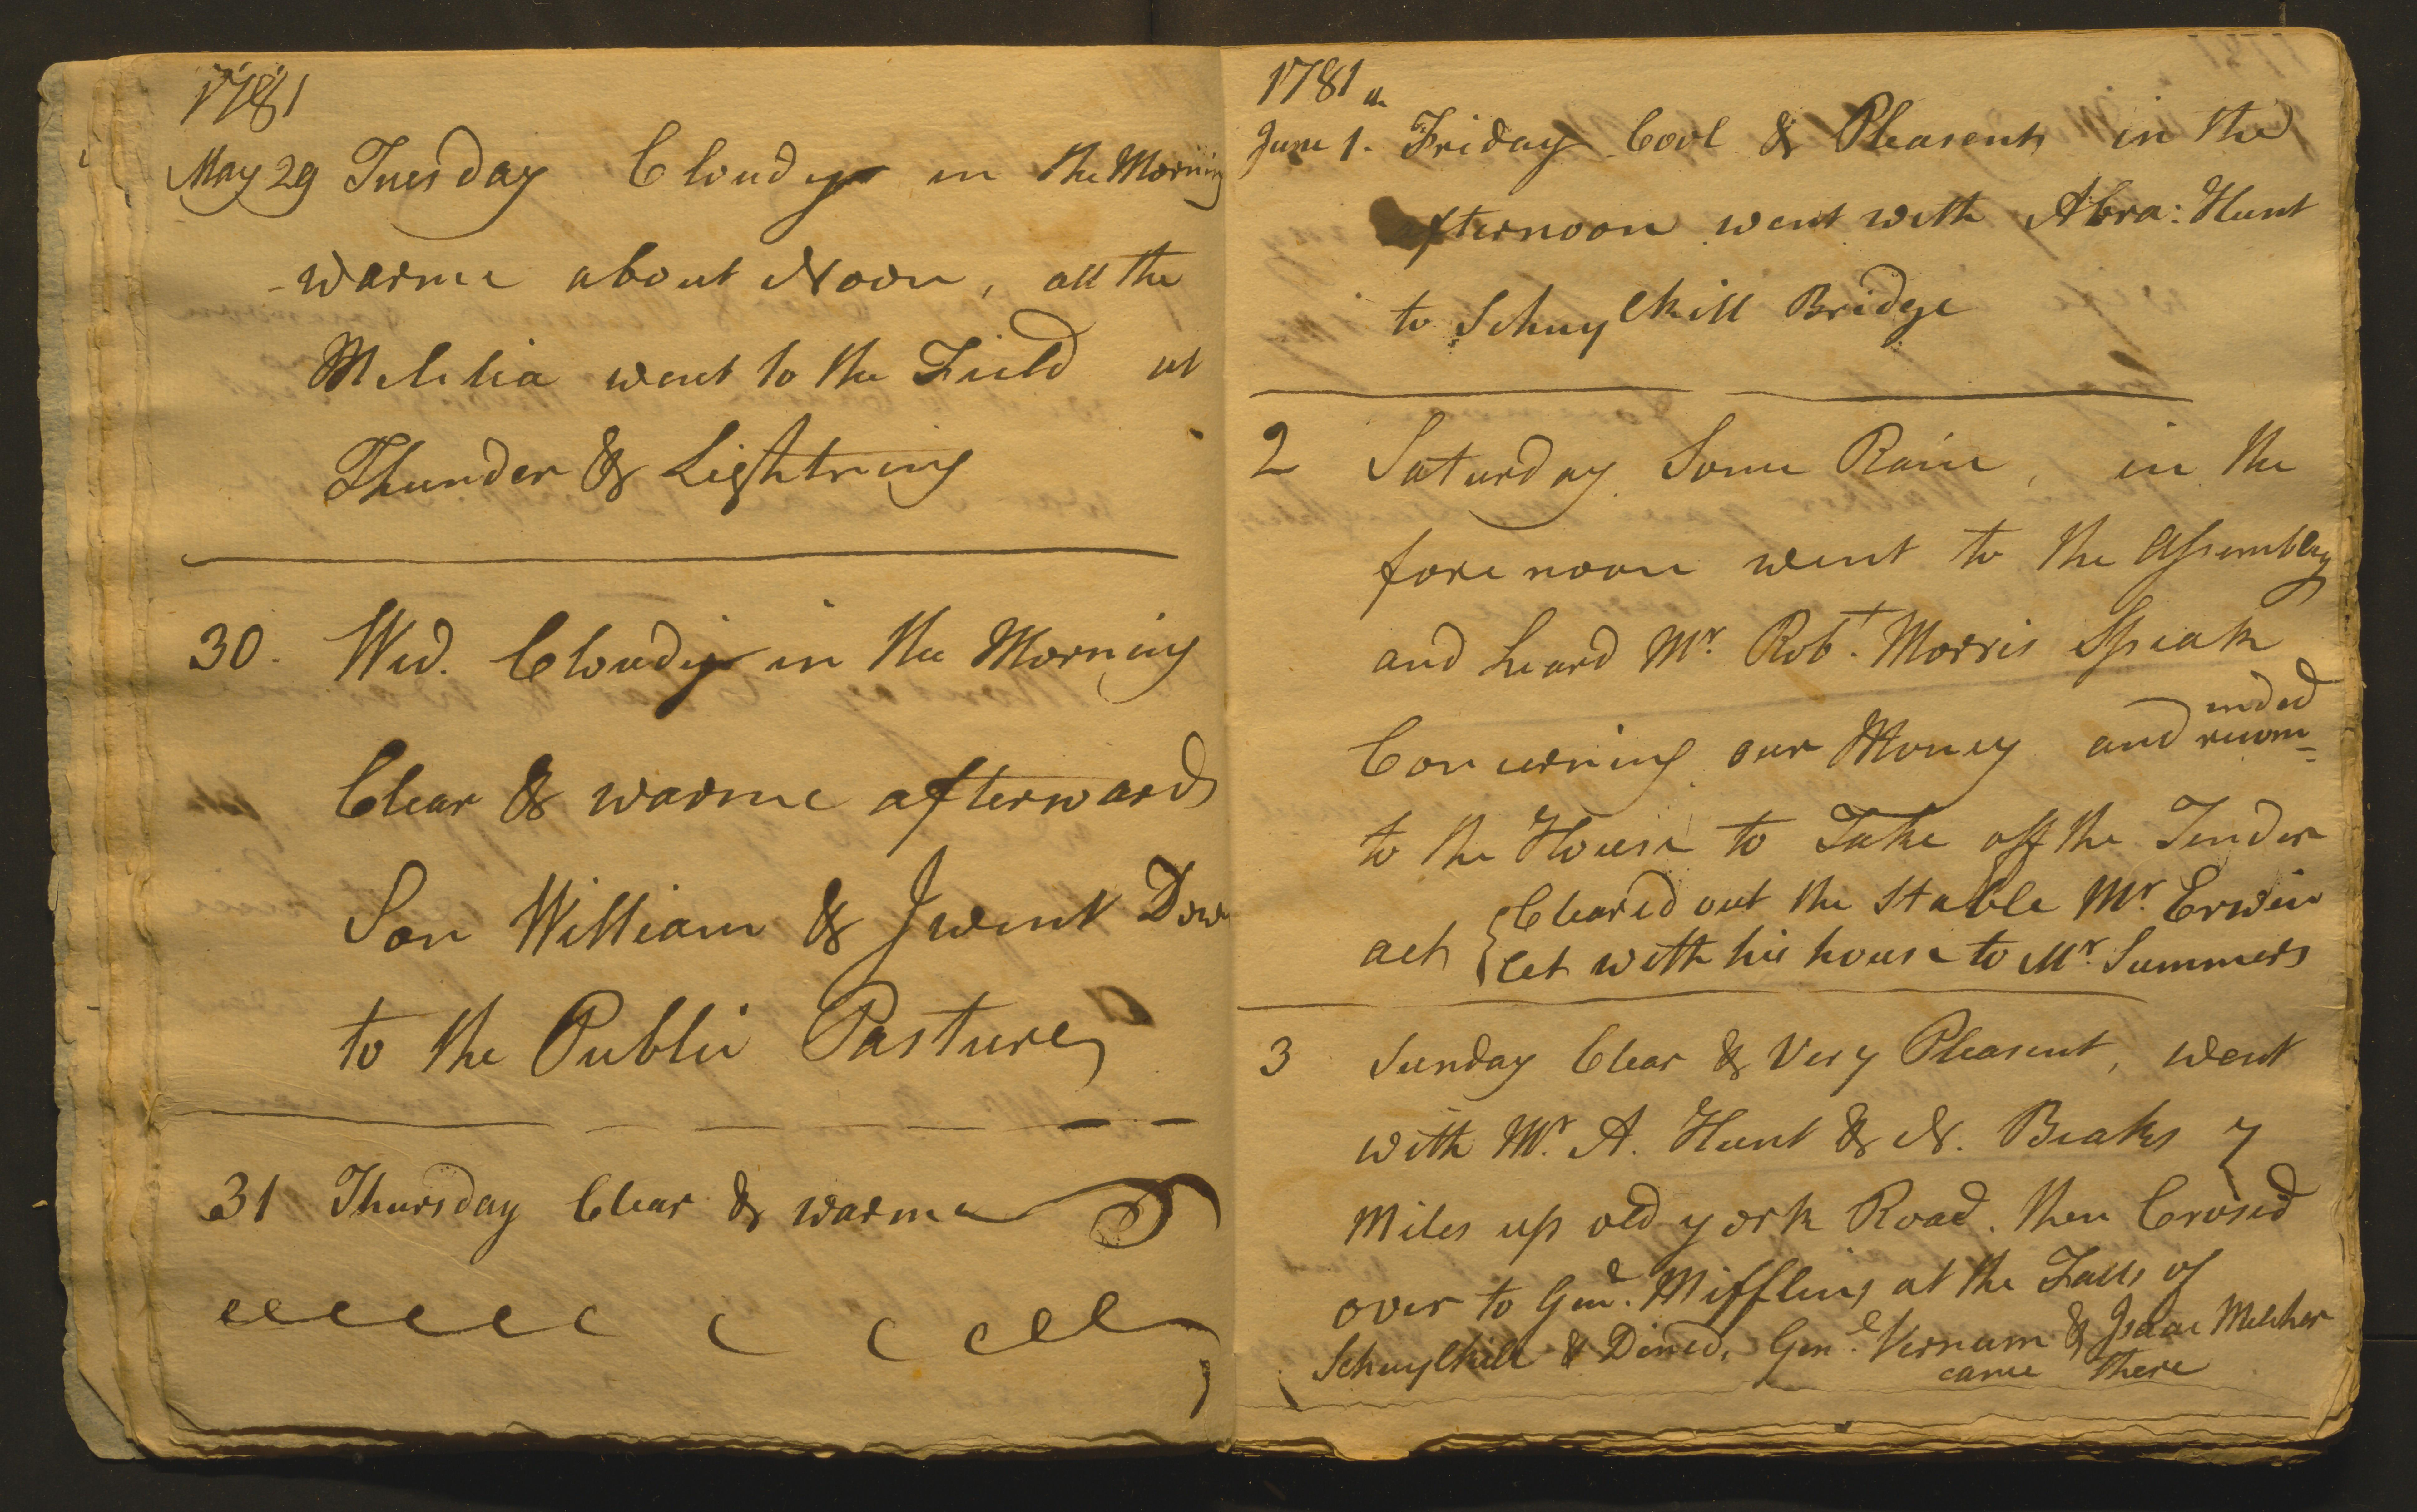1781
May 29 Tuesday Cloudy in the Morning
Warme about Noon, all the
Melilia went to the Field, at
Thunder & Lightning
30. Wed. Cloudy in the Morning
Clear & warme afterward
Son William & I went Down
to the Public Pasture
31 Thursday Clear & Warme
1781
June 1^th. Friday Cool & Pleasent in the
afternoon went with Abra: Hunt
to Schuylkill Bridge
2 Saturday some Rain, in the
fore noun went to the Assembley
and heard M^r. Rob^t. Morris Speak
ended
Concerning our Money, and recom
to The House to Take off the Tender
act
Cleared out the Stable M^r. Crwen
let with his house to M^r. Summers
3 Sunday Clear & Very Pleasent. went
with M^r. A. Hunt & N. Beaks
Miles up old york Road. then Crosed
over to Gen^l. Mifflins at the Falls of
Schuylkill & Dined. Gen^l. Vernam & Isaac Milcher
came there